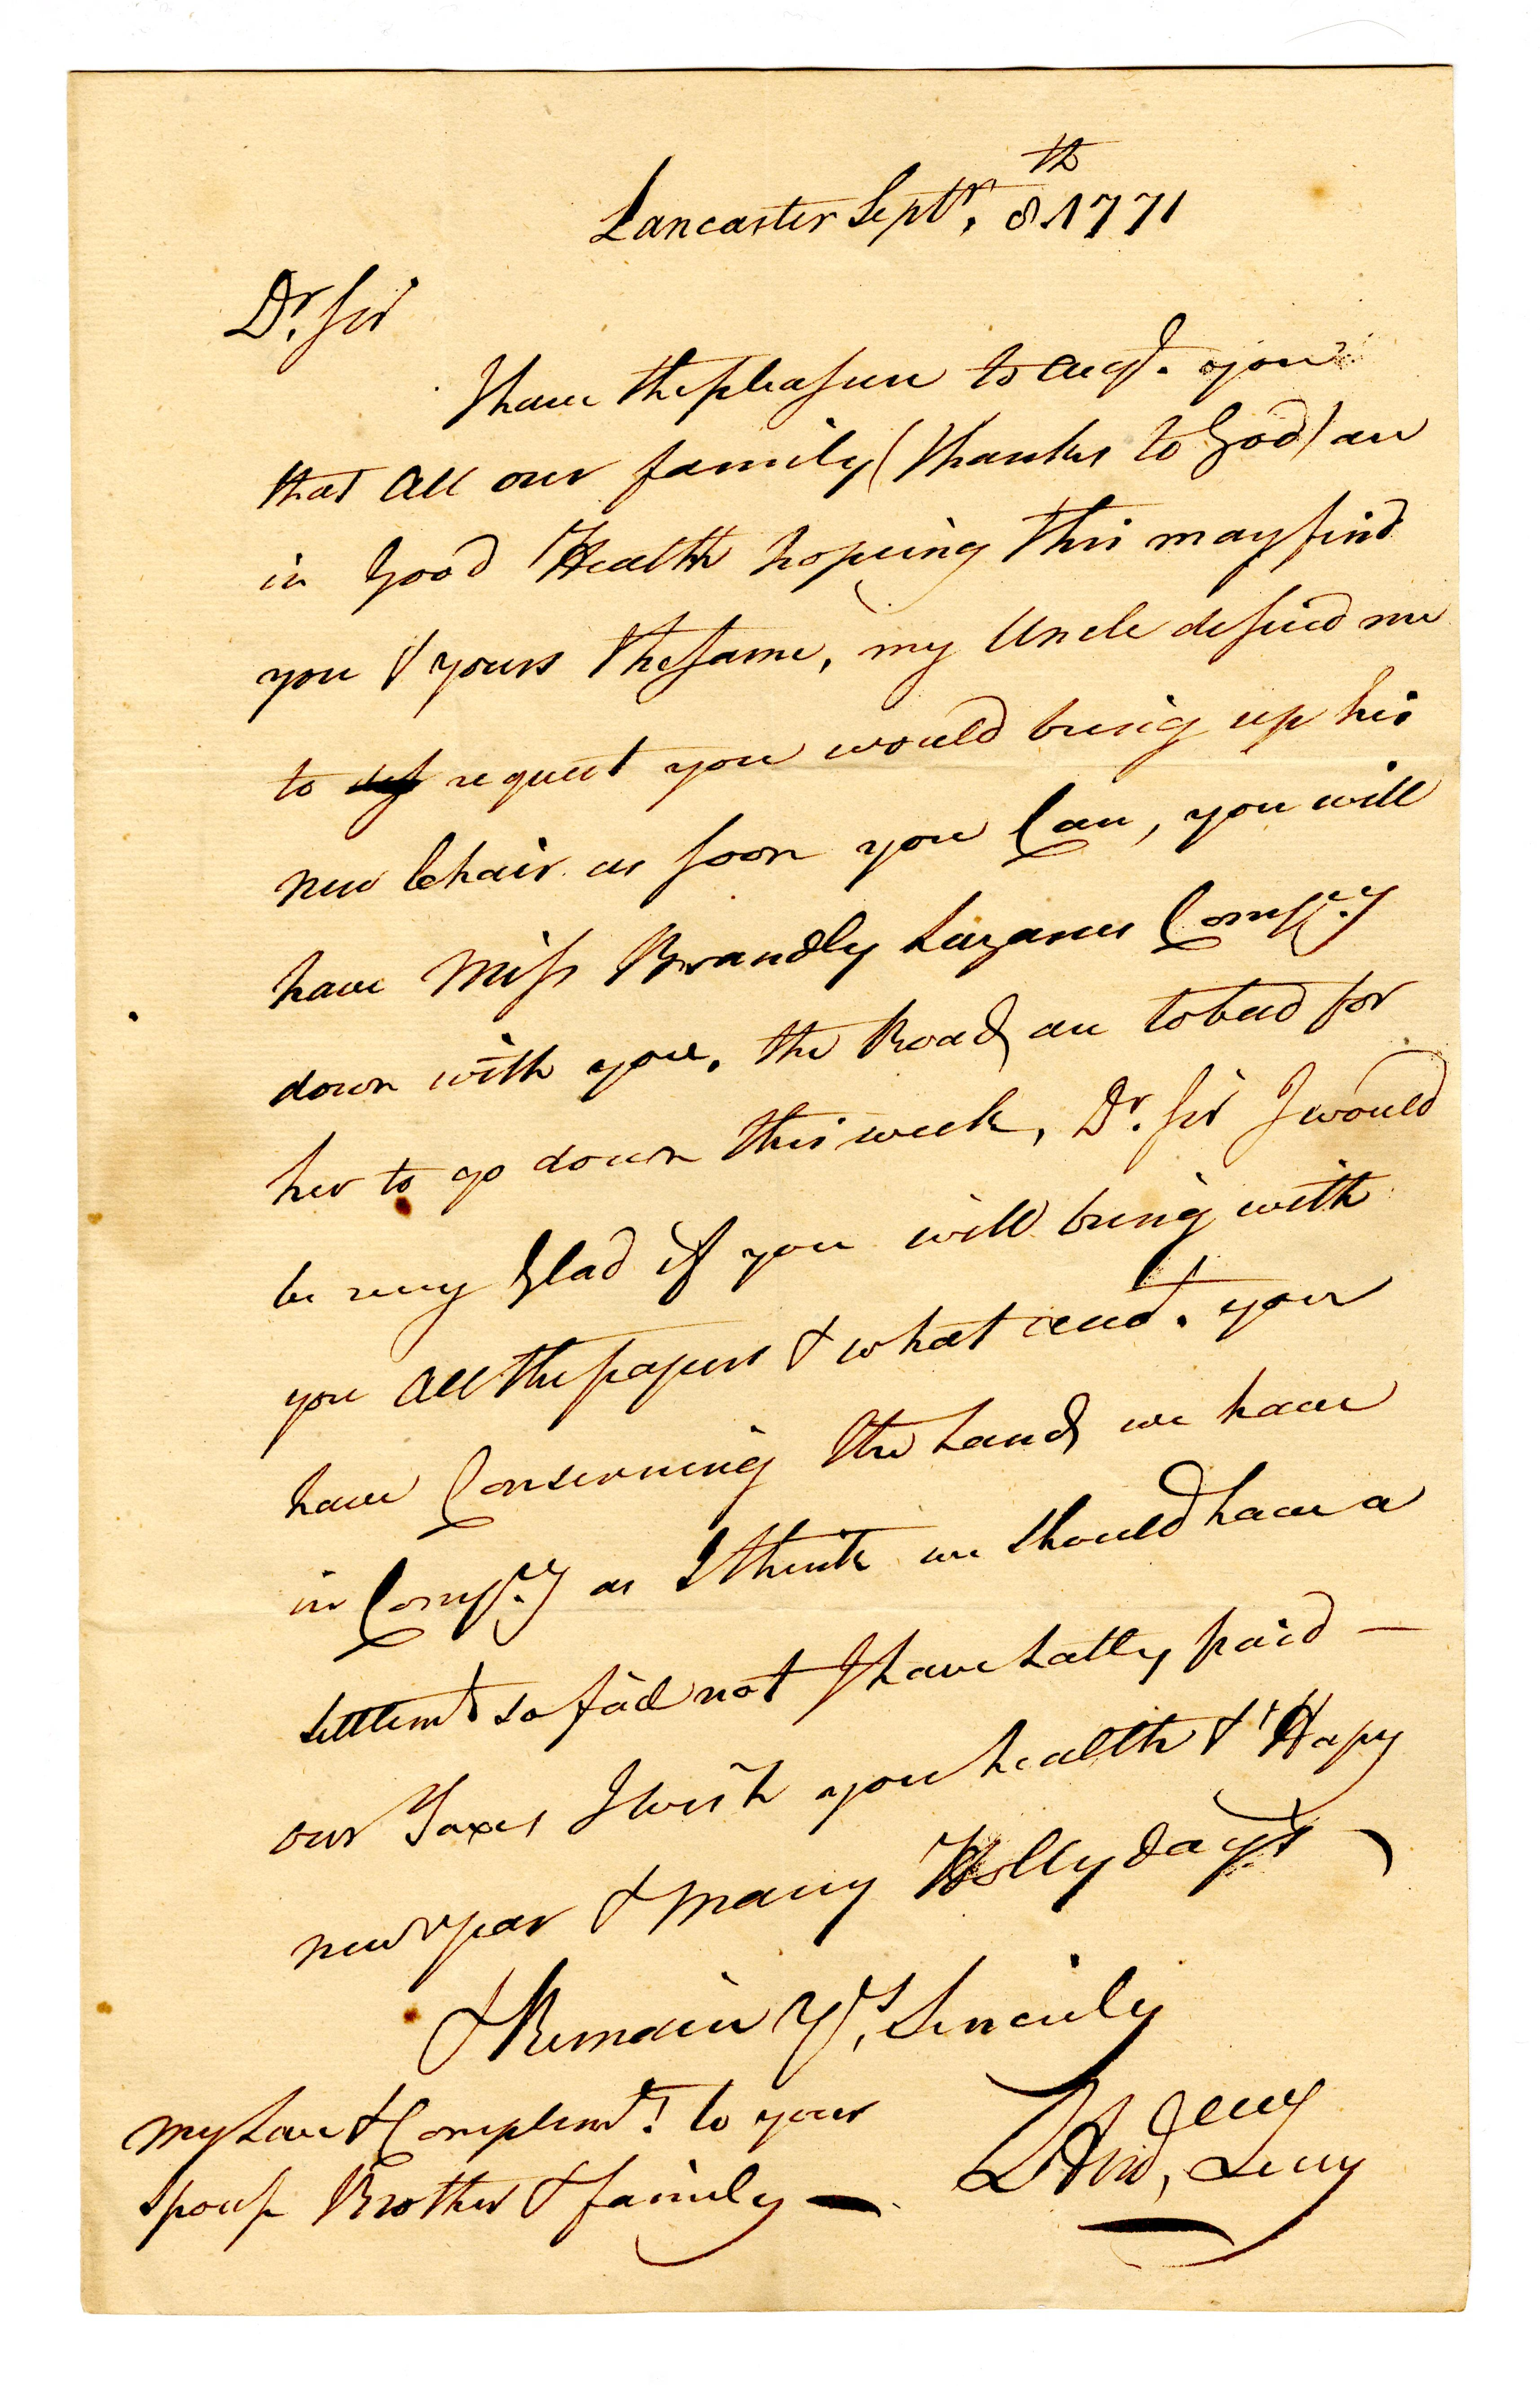Lancaster Sept^r. 8^th 1771
D^r. Sir
I have the pleasure to acq^t. you
that all our family (thanks to God) are
in Good Health hopeing this may find
you & yours the same, my Uncle desired me
to [___] request you would bring up his
new lehair as soon you Can, you will
have Miss Brandly Lazarus Comp^y.
down with you, the road are to bad for
her to go down this week, D^r. sir I would
be very glad if you will bring with
you All the papers & what acco^t. you
have Conserning the Land we have
in Comp^y. as I think we should have a
settlem^ts so said not I have Latly paid.-
our Taxes I wish you health & Hapy
new year & many Holly days
& Remain y^s Sincerely
And^rew Levy
my Love & Complemn^ts. to your
spouse Brother & family.-